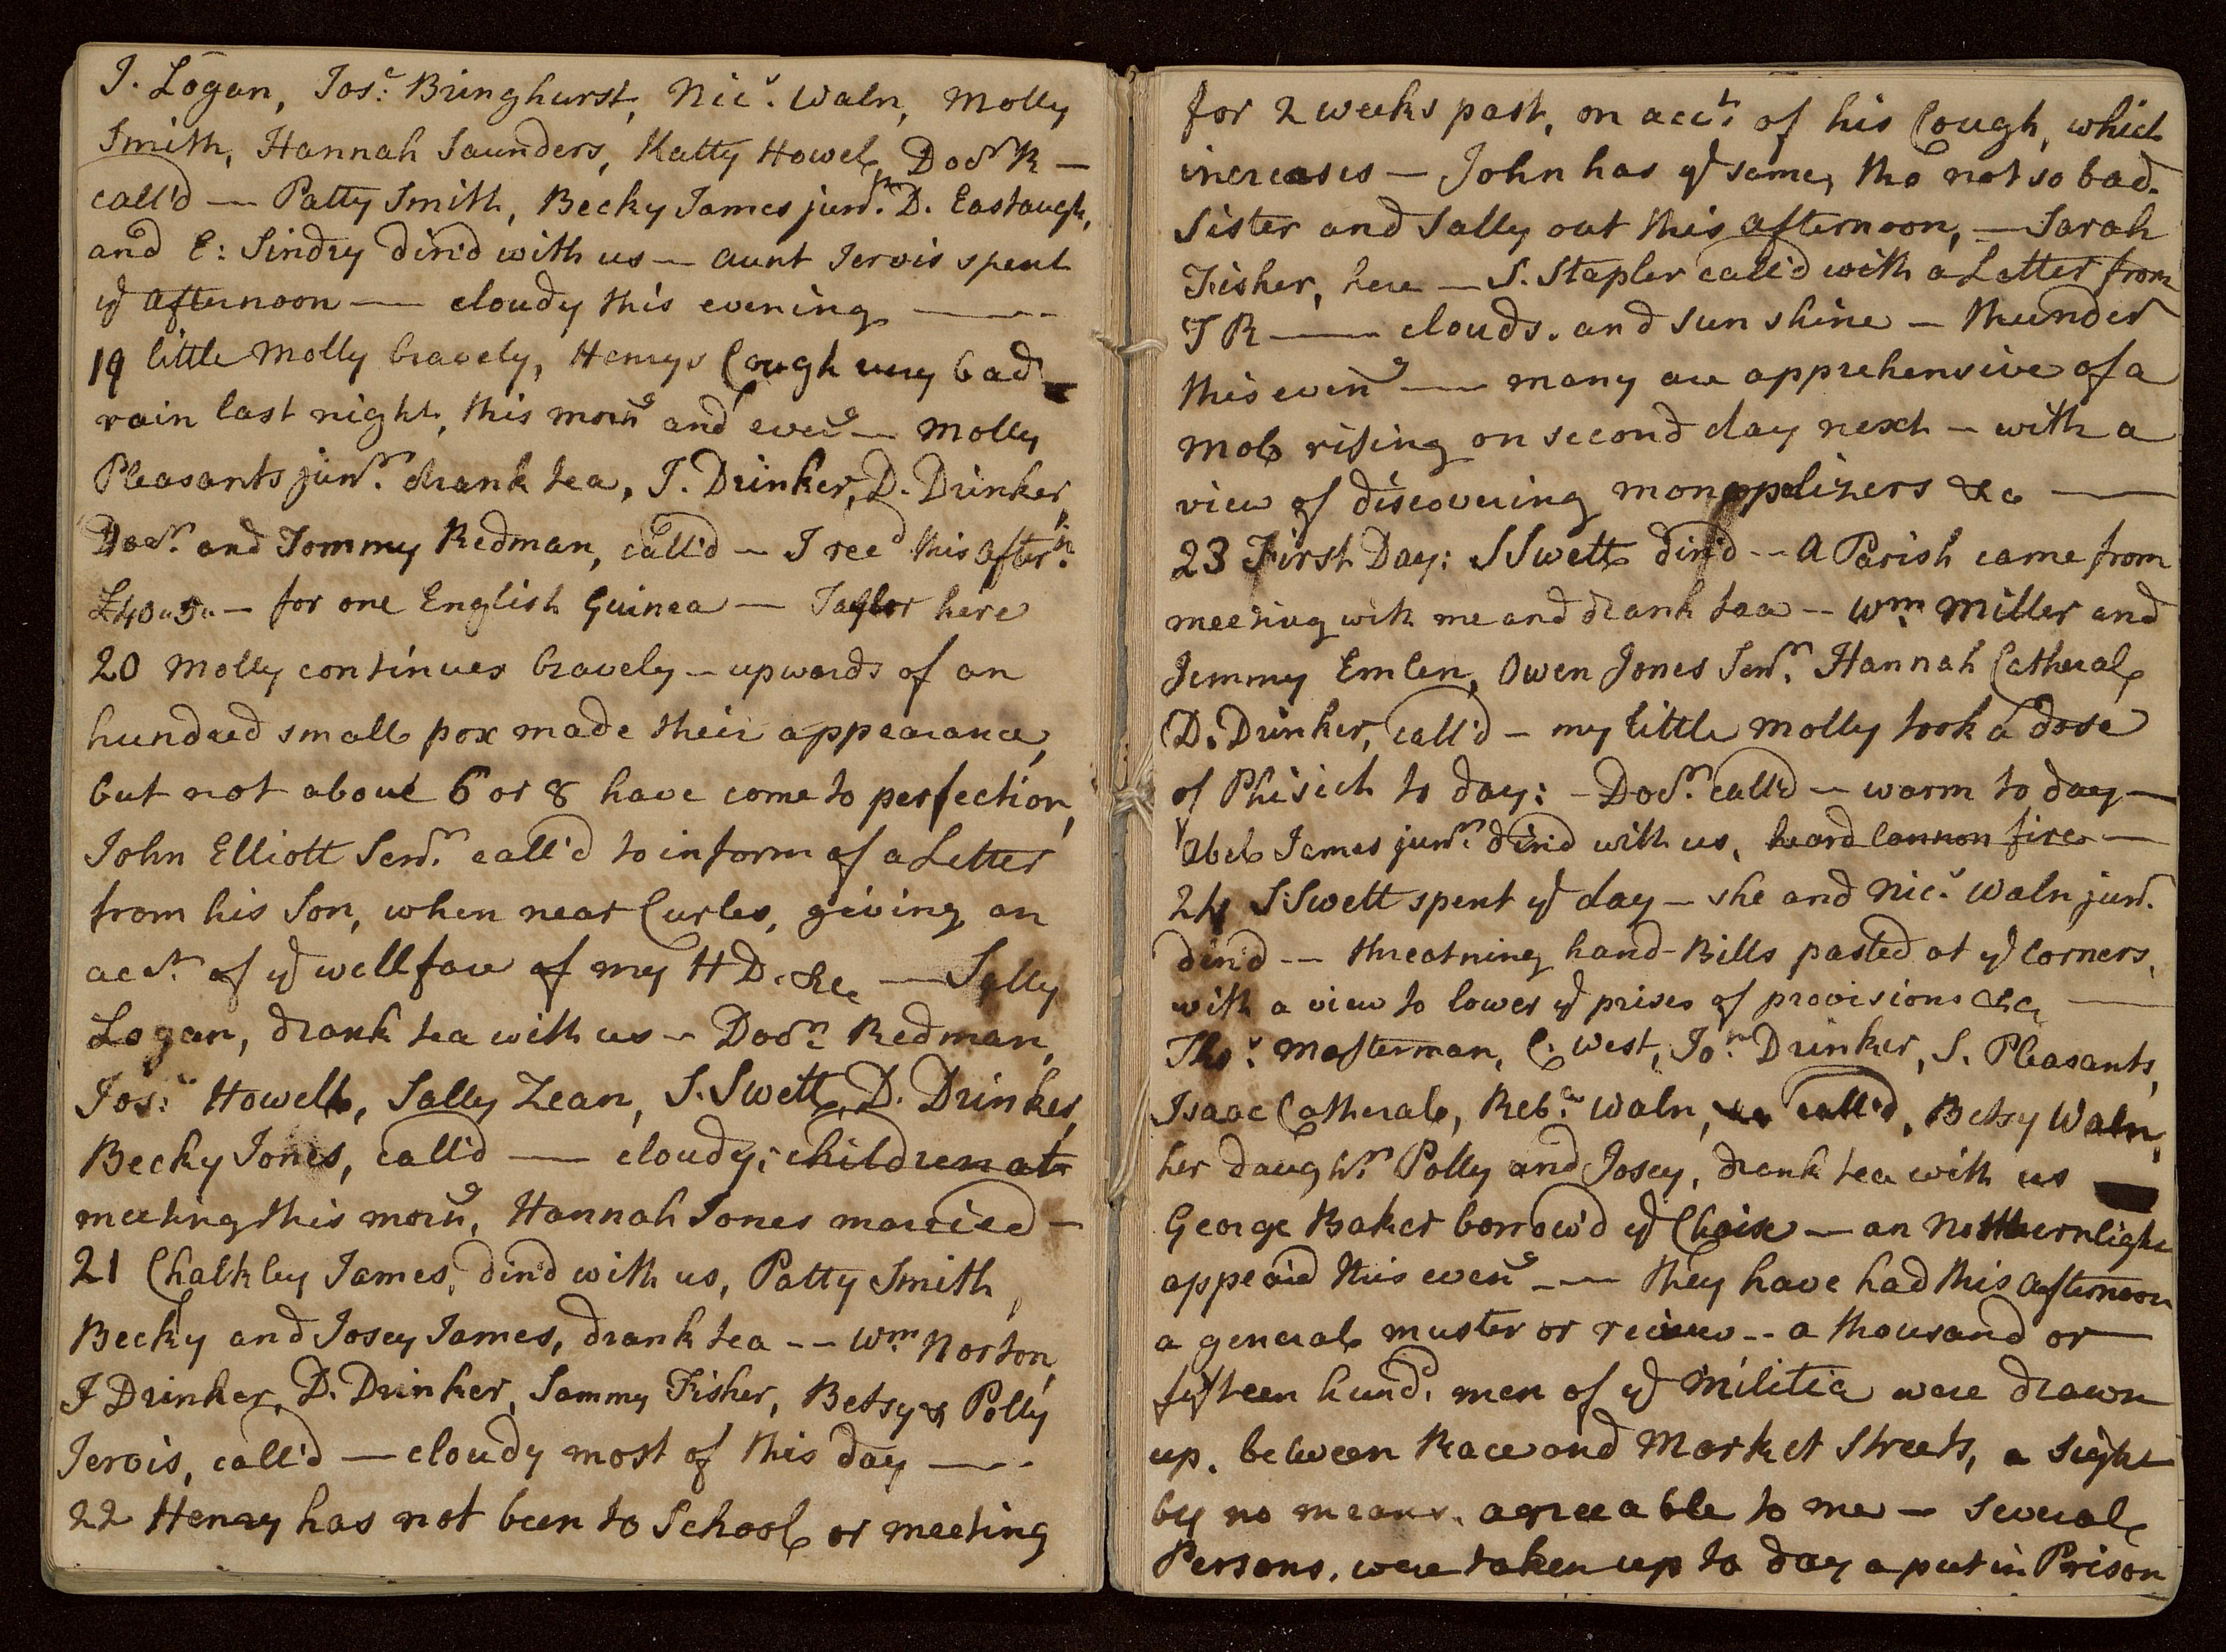I. Logan, Jos^e: Bringhurst, Nic^s. Waln, Molly
Smith, Hannah Saunders, Katty Howel, Doc^r R-
call'd- Patty Smith, Becky James jun^r. D Eastaugh,
and E: Sindry din'd with us- Aunt Jervis spent
y^e afternoon- cloudy this evening--
19 little Molly bravely, Henrys Cough very bad
rain last night, this morn^g and even^g- Molly
Pleasants jun^r. drank tea, I. Drinker, D. Drinker,
Doc^r. and Tommy Redman, call'd- I rec^d this after^n.
£40..5..- for one English Guinea- Taylor here
20 Molly continues bravely- upwards of an
hundred small pox made their appearance,
but not about 6 or 8 have come to perfection,
John Elliott Sen^r. call'd to inform of a Letter
from his Son, when neat Curles, giving an
acc^t. of y^e wellfare of my HD. &c- Sally
Logan, drank tea with us- Doc^r. Redman,
Jos^s: Howell, Sally Zean, S. Swett, D. Drinker,
Becky Jones, call'd- cloudy; children at
meeting this morn^g, Hannah Jones married-
21 Chalkley James, din'd with us, Patty Smith,
Becky and Josey James, drank tea-- W^m. Norton,
I Drinker, D. Drinker, Sammy Fisher, Betsy & Polly
Jervis, call'd- cloudy most of this day-
22 Henry has not been to School or meeting
for 2 weeks past, on acc^t. of his Cough, which
increases- John has y^e same, tho not so bad.
Sister and Sally out this afternoon,- Sarah
Fisher, here- S. Stapler call'd with a Letter from
TR- clouds. and sun shine- thunder
this even^g- many are apprehensive of a
mol rising on second day next- with a
vice of discovering monopolizers &c-
23 First Day: S Swett din'd-- A Parish came from
meeting with me and drank tea- W^m. Miller and
Jemmy Emlen, Owen Jones Sen^r. Hannah Catheral
D. Drinker, call'd- my little Molly took a dose
of Phisich to day:- Doc^r. call'd- worm to day-
Abel James jun^r. din'd with us, hard Cannon fire-
24 S. Swett spent y^e day- she and Nic^s. Waln jun^r.
din'd-- threatning hand- Bills pasted at y^e corners,
with a view to lower y^e prises of provisions &c
Tho^s. Masterman, C. West, Jo^n. Drinker, S. Pleasants,
Isaac Catheral, Reb^a. Waln, call'd, Betsy Waln,
her daugh^r. Polly and Josey, drank tea with us
George Baker borrow'd y^e Chaise- an Northernlighs
appear'd this even^g-- they have had this afternoon
a general muster or revise - a thousand or
fifteen hund^d. men of y^e militia were drawn
up. between Race and Market Streets a sight
by no means. agreeable to me- several
Persons, were taken up to day a put in Prison